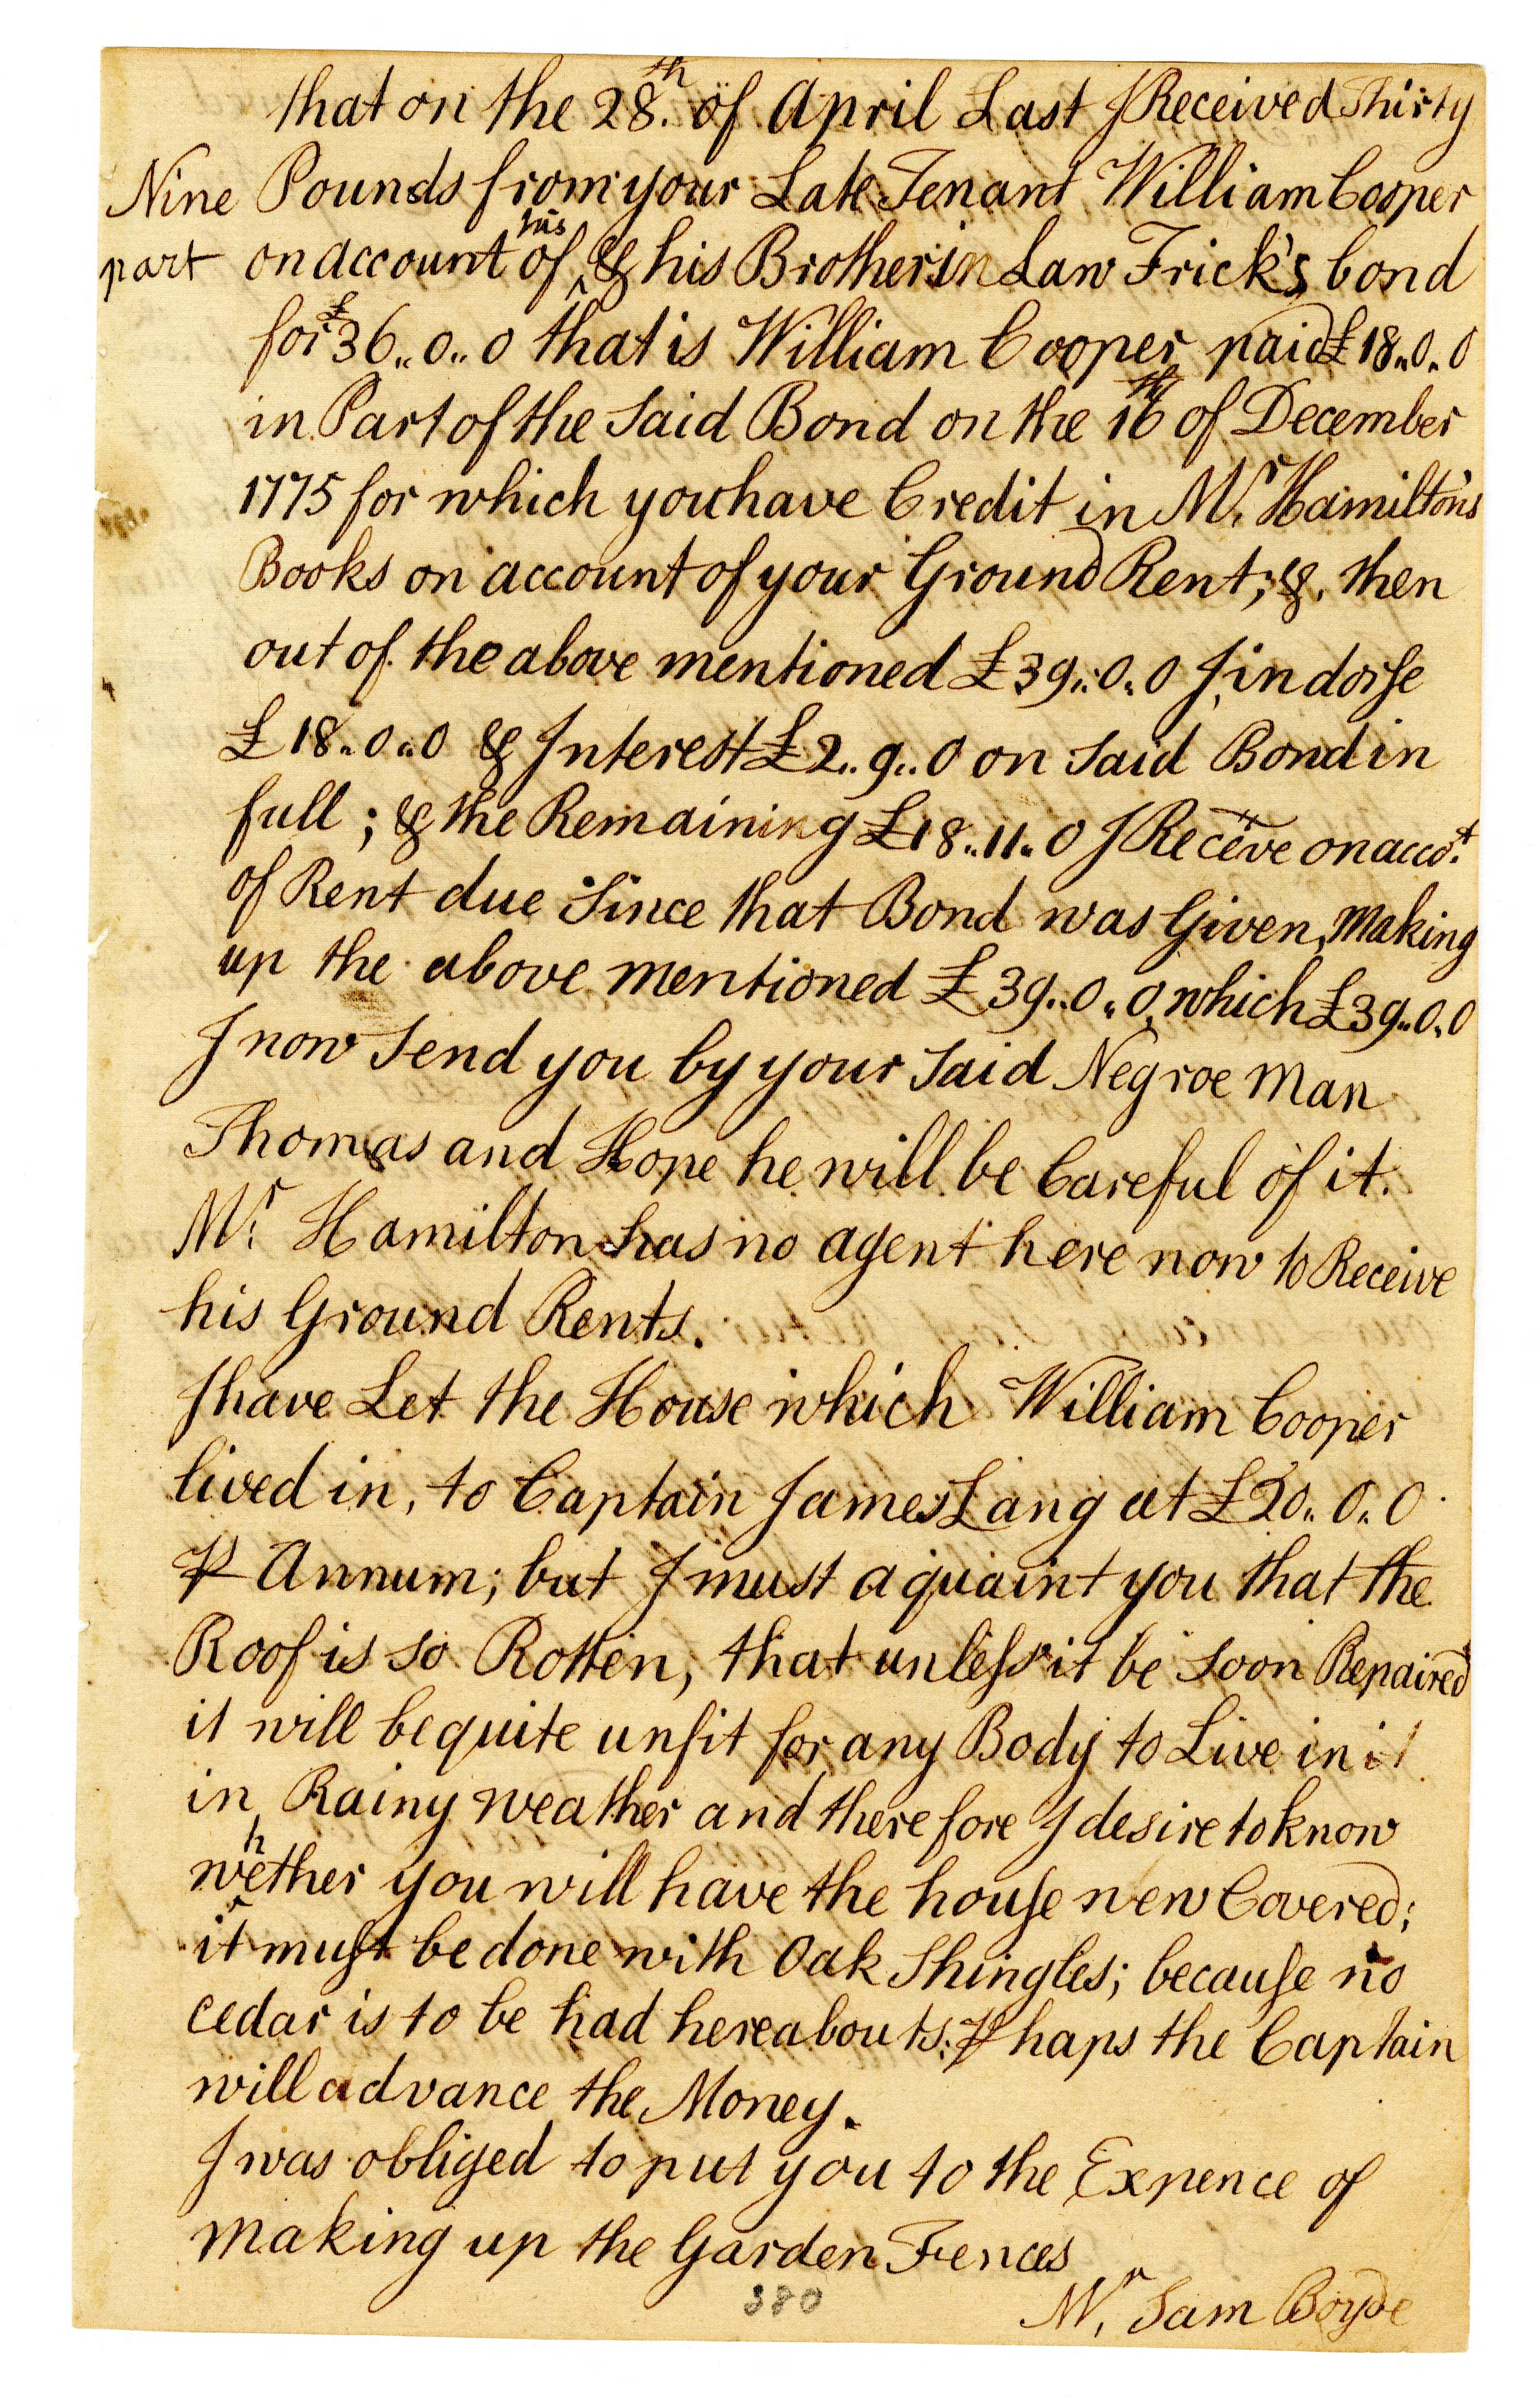that on the 28^th. of April Last I Received Thirty
Nine Pounds from Your Late Tenant William Cooper
his
part on Account of ^ & his Brother in Law Frick's bond
for ^£36..0..0 that is William Cooper paid £18..0..0
in Part of the said Bond on the 16^th of December
1775 for which you have Credit in M^r. Hamilton's
Books on account of your Ground Rent, &, then
out of the above mentioned £39..0..0 I, indorse
£18..0..0 & Interest £2..9..0 on said Bond in
full; & the Remaining £18..11..0 I Receve on acco^t.
of Rent due Since that Bond was Given, Making
up the above mentioned £39..0..0, which £39..0..0
I now Send you by your Said Negroe Man
Thomas and Hope he will be careful of it.
M^r: Hamilton has no agent here now to Receive
his Ground Rents.
I have Let the House which William Cooper
lived in, to Captain James Lang at £20..0..0
per Annum; but I must aquaint you that the
Roof is so Rotten, that unless it be soon Repaired
it will be quite unfit for any Body to Live in it
in Rainy weather and therefore I desire to know
h
w^ether You will have the house nen Covered;
it must be done with Oak Shingles; because no
cedar is to be had hereabouts: per haps the Captain
will advance the Money.
I was obliged to put you to the Expence of
Making up the Garden Fences
M^r. Sam Boyde